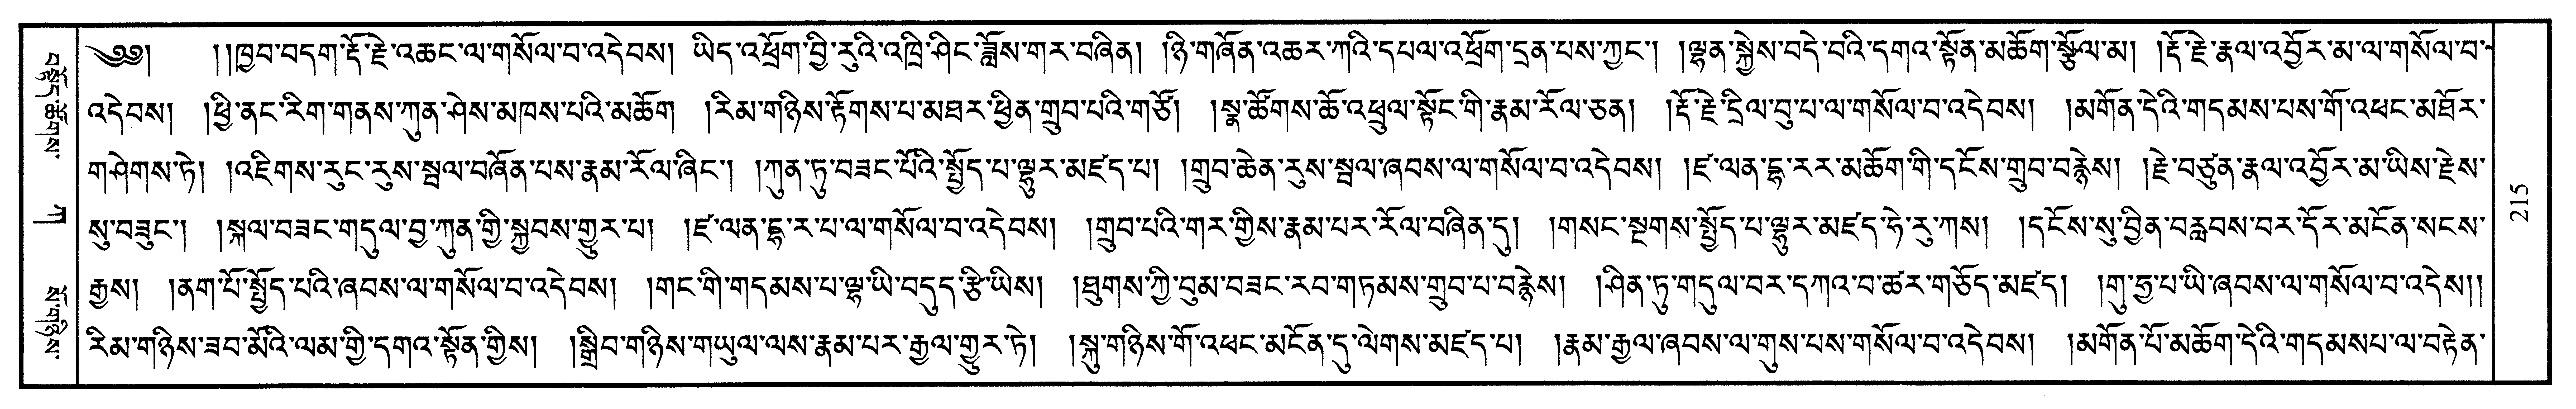༄༅། །།ཁྱབ་བདག་རྡོ་རྗེ་འཆང་ལ་གསོལ་བ་འདེབས། ཡིད་འཕྲོག་བྱི་རུའི་འཁྲི་ཤིང་ཟློས་གར་བཞིན། །ཉི་གཞོན་འཆར་ཀའི་དཔལ་འཕྲོག་དྲན་པས་ཀྱང་། །ལྷན་སྐྱེས་བདེ་བའི་དགའ་སྟོན་མཆོག་སྩོལ་མ། །རྡོ་རྗེ་རྣལ་འབྱོར་མ་ལ་གསོལ་བ་
འདེབས། །ཕྱི་ནང་རིག་གནས་ཀུན་ཤེས་མཁས་པའི་མཆོག །རིམ་གཉིས་རྟོགས་པ་མཐར་ཕྱིན་གྲུབ་པའི་གཙོ། །སྣ་ཚོགས་ཆོ་འཕྲུལ་སྟོང་གི་རྣམ་རོལ་ཅན། །རྡོ་རྗེ་དྲིལ་བུ་པ་ལ་གསོལ་བ་འདེབས། །མགོན་དེའི་གདམས་པས་གོ་འཕང་མཐོར་
གཤེགས་ཏེ། །འཇིགས་རུང་རུས་སྦལ་བཞོན་པས་རྣམ་རོལ་ཞིང་། །ཀུན་ཏུ་བཟང་པོའི་སྤྱོད་པ་ལྷུར་མཛད་པ། །གྲུབ་ཆེན་རུས་སྦལ་ཞབས་ལ་གསོལ་བ་འདེབས། །ཛ་ལན་དྷ་རར་མཆོག་གི་དངོས་གྲུབ་བརྙེས། །རྗེ་བཙུན་རྣལ་འབྱོར་མ་ཡིས་རྗེས་
སུ་བཟུང་། །སྐལ་བཟང་གདུལ་བྱ་ཀུན་གྱི་སྐྱབས་གྱུར་པ། །ཛ་ལན་དྷ་ར་པ་ལ་གསོལ་བ་འདེབས། །གྲུབ་པའི་གར་གྱིས་རྣམ་པར་རོལ་བཞིན་དུ། །གསང་སྔགས་སྤྱོད་པ་ལྷུར་མཛད་ཧེ་རུ་ཀས། །དངོས་སུ་བྱིན་བརླབས་བར་དོར་མངོན་སངས་
རྒྱས། །ནག་པོ་སྤྱོད་པའི་ཞབས་ལ་གསོལ་བ་འདེབས། །གང་གི་གདམས་པ་ལྷ་ཡི་བདུད་རྩི་ཡིས། །ཐུགས་ཀྱི་བུམ་བཟང་རབ་གཏམས་གྲུབ་པ་བརྙེས། །ཤིན་ཏུ་གདུལ་བར་དཀའ་བ་ཚར་གཅོད་མཛད། །གུ་ཧྱ་པ་ཡི་ཞབས་ལ་གསོལ་བ་འདེས།།
རིམ་གཉིས་ཟབ་མོའི་ལམ་གྱི་དགའ་སྟོན་གྱིས། །སྒྲིབ་གཉིས་གཡུལ་ལས་རྣམ་པར་རྒྱལ་གྱུར་ཏེ། །སྐུ་གཉིས་གོ་འཕང་མངོན་དུ་ལེགས་མཛད་པ། །རྣམ་རྒྱལ་ཞབས་ལ་གུས་པས་གསོལ་བ་འདེབས། །མགོན་པོ་མཆོག་དེའི་གདམས་པ་ལ་བརྟེན་